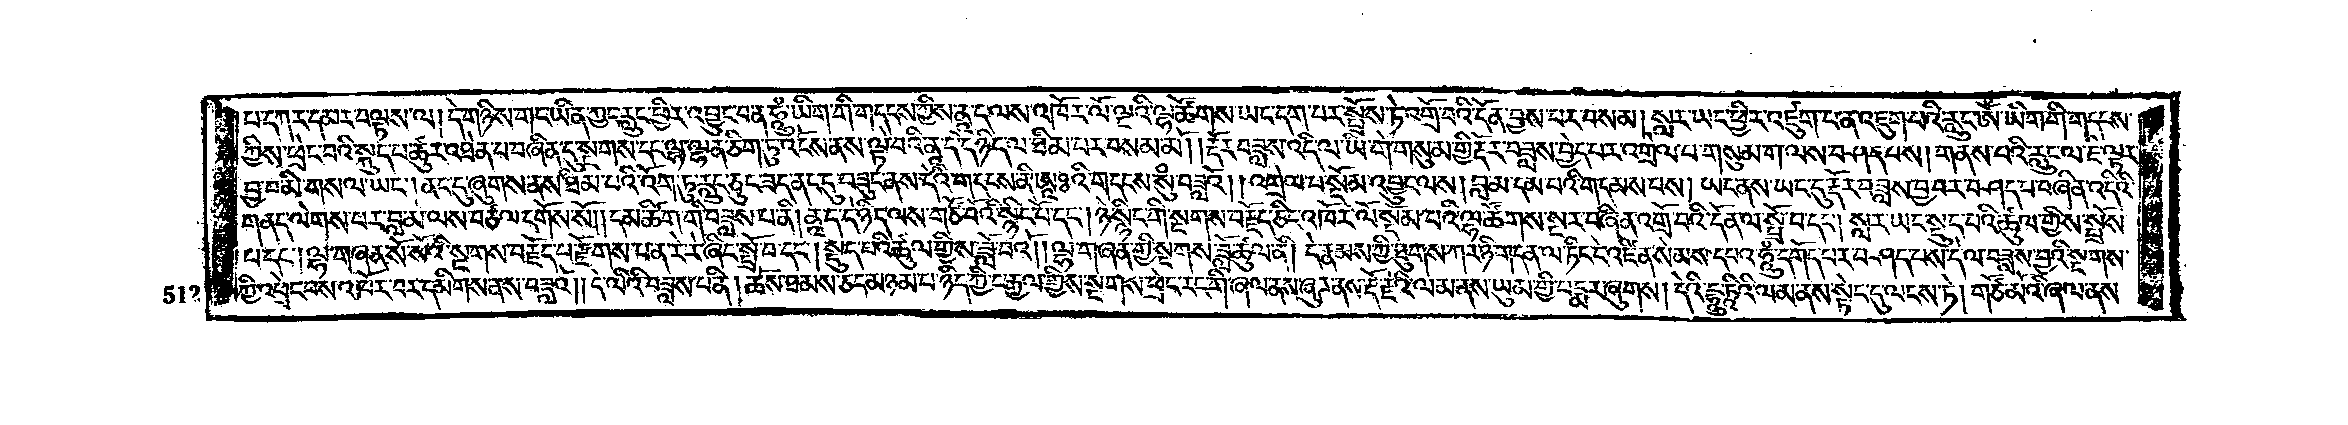པ་དཀར་དམར་བལྟས་ལ། དེ་གཉིས་གང་ཡིན་ཀྱང་རླུང་ཕྱིར་འབྱུང་བ་ན་ཧཱུཾ་ཡིག་གི་གདངས་ཀྱིས་ནཱ་ད་ལས་འཁོར་ལོ་ལྔའི་ལྷ་ཚོགས་ཡང་དག་པར་སྤྲོས་ཏེ་འགྲོ་བའི་དོན་བྱས་པར་བསམ། སླར་ཡང་ཕྱིར་འཇུག་པ་ན་འཇུག་པའི་རླུང་ཨོཾ་ཡིག་གི་གདངས་
ཀྱིས་ཕྲེང་བའི་སྐུད་པ་ཚུར་འཐེན་པ་བཞིན་དུ་སྔགས་དང་ལྷ་ལྷན་ཅིག་ཏུ་འོངས་ནས་ལྟེ་བའི་ནཱ་ད་དེ་ཉིད་ལ་ཐིམ་པར་བསམ་མོ། །རྡོར་བཟླས་འདི་ལ་ཡི་གེ་གསུམ་གྱི་རྡོར་བཟླས་བྱེད་པར་འགྲེལ་པ་གསུམ་ཀ་ལས་བཤད་པས། གནས་པའི་རླུང་ལ་ཇི་ལྟར་
བྱ་བ་མི་གསལ་ཡང་། ནང་དུ་ཞུགས་ནས་ཐིམ་པའི་འོག་ཏུ་རླུང་ཅུང་ཟད་ནང་དུ་བཟུང་ནས་དེའི་གདངས་ནི་ཨཱཿའི་གདངས་སུ་བཟླའོ། །འགྲེལ་པ་སྡོམ་འབྱུང་ལས། བླ་མ་དམ་པའི་གདམས་པས། ཡང་ནས་ཡང་དུ་རྡོར་བཟླས་བྱ་བར་བཤད་པ་བཞིན་འདིའི་
གནད་ལེགས་པར་བླ་མ་ལས་བཙལ་དགོས་སོ། །དམ་ཚིག་གི་བཟླས་པ་ནི། ནཱ་ད་དེ་ཉིད་ལས་གཙོ་བོའི་སྙིང་པོ་དང་། ཉེ་སྙིང་གི་སྔགས་བརྗོད་ཅིང་འཁོར་ལོ་སྡོམ་པའི་ལྷ་ཚོགས་སྔར་བཞིན་འགྲོ་བའི་དོན་ལ་སྤྲོ་བ་དང་། སླར་ཡང་སྡུད་པའི་ཚུལ་གྱིས་སྤྲོས་
པ་དང་། ལྷ་གཞན་སོ་སོའི་སྔགས་བརྗོད་པ་རྫོགས་པ་ན་རེ་རེ་ཞིང་སྤྲོ་བ་དང་། སྡུད་པའི་ཚུལ་གྱིས་ཟློ་བའོ། །ལྷ་གཞན་གྱི་སྔགས་ཟློ་ཚུལ་ནི། དེ་རྣམས་ཀྱི་ཐུགས་ཀར་ཉི་གདན་ལ་ཏིང་ངེ་འཛིན་སེམས་དཔའ་ཧཱུཾ་དགོད་པར་བཤད་པས་དེ་ལ་བཟླས་བྱའི་སྔགས་
ཀྱི་འཕྲེང་བས་འཁོར་བར་དམིགས་ནས་བཟླའོ། །དོ་ལིའི་བཟླས་པ་ནི། ཆོས་ཐམས་ཅད་མཉམ་པ་ཉིད་ཀྱི་ང་རྒྱལ་གྱིས་སྔགས་ཕྲེང་རང་གི་ཞལ་ནས་ཞུགས་ནས་རྡོ་རྗེའི་ལམ་ནས་ཡུམ་གྱི་པདམར་ཞུགས། དེའི་དྷཱུ་ཏཱིའི་ལམ་ནས་སྟེང་དུ་ལངས་ཏེ། གཙོ་མོའི་ཞལ་ནས་